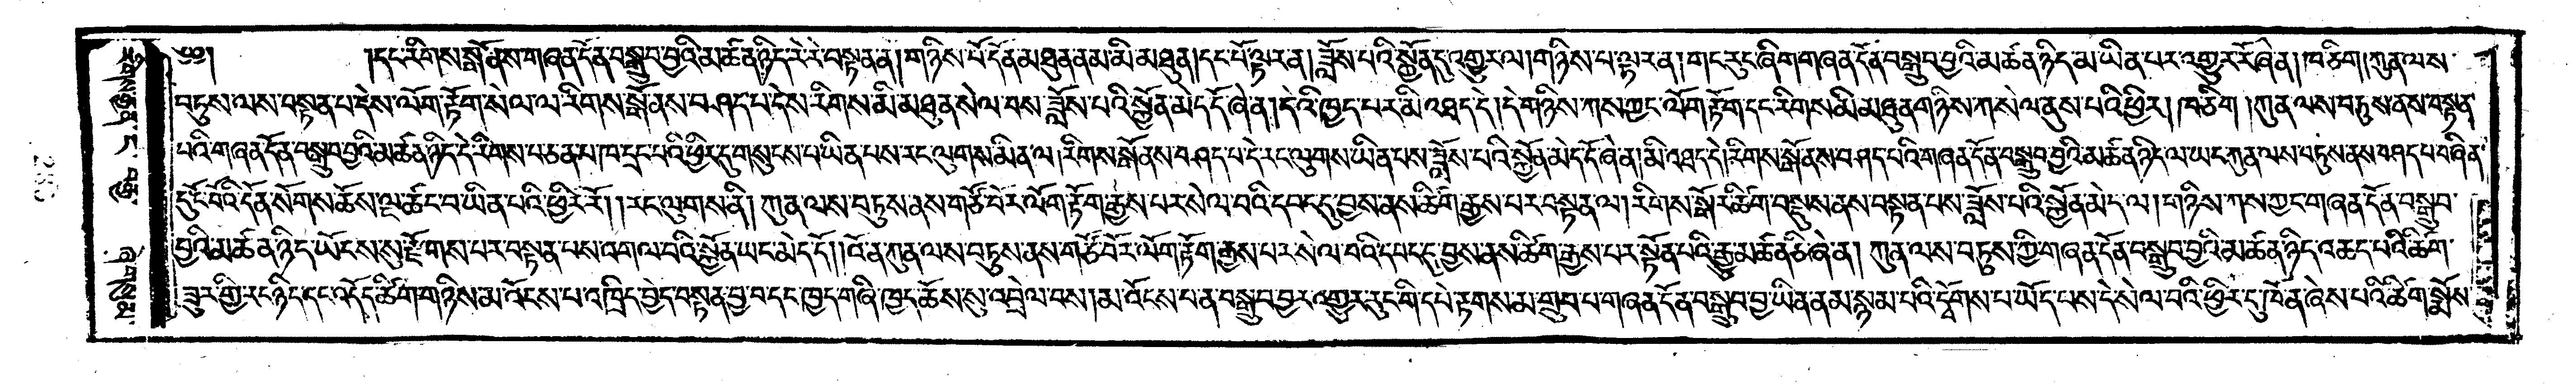༄༅། །དང་རིགས་སྒོ་ནས་གཞན་དོན་བསྒྲུབ་བྱའི་མཚན་ཉིད་རེ་རེ་བསྟན་ན། གཉིས་པོ་དོན་མཐུན་ནམ་མི་མཐུན། དང་པོ་ལྟར་ན། ཟློས་པའི་སྐྱོན་དུ་འགྱུར་ལ། གཉིས་པ་ལྟར་ན། གང་རུང་ཞིག་གཞན་དོན་བསྒྲུབ་བྱའི་མཚན་ཉིད་མ་ཡིན་པར་འགྱུར་རོ་ཞེ་ན། ཁ་ཅིག །ཀུན་ལས་
བཏུས་ལས་བསྟན་པ་དེས་ལོག་རྟོག་སེལ་ལ་རིགས་སྒོ་ནས་བཤད་པ་དེས་རིགས་མི་མཐུན་སེལ་བས་ཟློས་པའི་སྐྱོན་མེད་དོ་ཞེ་ན། དེའི་ཁྱད་པར་མི་འཐད་དེ། དེ་གཉིས་ཀས་ཀྱང་ལོག་རྟོག་དང་རིགས་མི་མཐུན་གཉིས་ཀ་སེལ་ནུས་པའི་ཕྱིར། ཁ་ཅིག །ཀུན་ལས་བཏུས་ནས་བསྟན་
པའི་གཞན་དོན་བསྒྲུབ་བྱའི་མཚན་ཉིད་དེ་རིགས་པ་ཅན་པ་ཁ་དྲང་བའི་ཕྱིར་དུ་གསུངས་པ་ཡིན་པས་རང་ལུགས་མིན་ལ། རིགས་སྒོ་ནས་བཤད་པ་དེ་རང་ལུགས་ཡིན་པས་ཟློས་པའི་སྐྱོན་མེད་དོ་ཞེ་ན། མི་འཐད་དེ། རིགས་སྒོ་ནས་བཤད་པའི་གཞན་དོན་བསྒྲུབ་བྱའི་མཚན་ཉིད་ལ་ཡང་ཀུན་ལས་བཏུས་ནས་བཤད་པ་བཞིན་
དུ་ངོ་བོའི་དོན་སོགས་ཆོས་ལྔ་ཚང་བ་ཡིན་པའི་ཕྱིར་རོ། །རང་ལུགས་ལ། ཀུན་ལས་བཏུས་ནས་གཙོ་བོར་ལོག་རྟོག་རྒྱས་པར་སེལ་བའི་དབང་དུ་བྱས་ནས་ཚིག་རྒྱས་པར་བསྟན་ལ། རིགས་སྒོར་ཚིག་བསྡུས་ནས་བསྟན་པས་ཟློས་པའི་སྐྱོན་མེད་ལ། གཉིས་ཀས་ཀྱང་གཞན་དོན་བསྒྲུབ་
བྱའི་མཚན་ཉིད་ཡོངས་སུ་རྫོགས་པར་བསྟན་པས་འགལ་བའི་སྐྱོན་ཡང་མེད་དོ། །འོ་ན་ཀུན་ལས་བཏུས་ནས་གཙོ་བོར་ལོག་རྟོག་རྒྱས་པར་སེལ་བའི་དབང་དུ་བྱས་ནས་ཚིག་རྒྱས་པར་སྟོན་པའི་རྒྱུ་མཚན་ཅི་ཞེ་ན། ཀུན་ལས་བཏུས་ཀྱི་གཞན་དོན་བསྒྲུབ་བྱའི་མཚན་ཉིད་འཆད་པའི་ཚིག་
ཟུར་གྱི་རང་ཉིད་དང་འདོད་ཚིག་གཉིས་མ་འོངས་པ་འཁྲིད་?་བྱེད་བསྟན་བྱ་བ་དང་ཁྱད་གཞི་ཁྱད་ཆོས་སུ་འབྲེལ་བས། མ་འོངས་པ་ན་བསྒྲུབ་བྱར་འགྱུར་རུང་གི་དཔེ་རྟགས་མ་གྲུབ་པ་གཞན་དོན་བསྒྲུབ་བྱ་ཡིན་ནམ་སྙམ་པའི་དྭོགས་པ་ཡོད་པས་དེ་སེལ་བའི་ཕྱིར་དུ་ཁོ་ན་ཞེས་པའི་ཚིག་སྨོས་